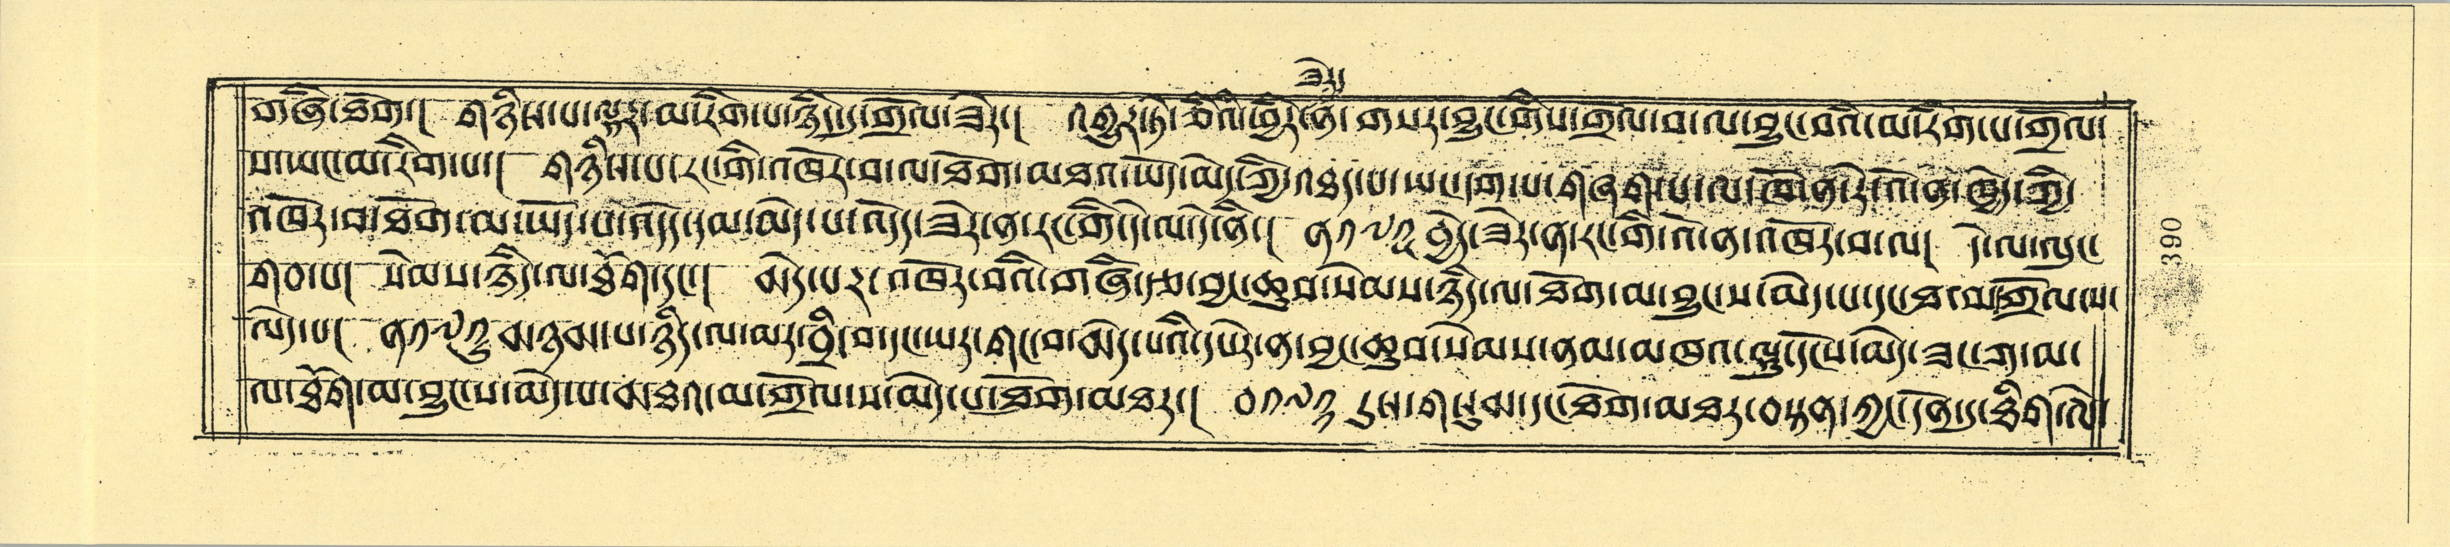གཞི་ཐོག ༼གཉིས་པ་ལྟར་༽མ་རིག་པ་ཉིད་དུ་གྲོལ་ཟེར། ༼འགྱུར་ཏེ་༽ཅིའི་ཕྱིར་ཟེར་ན་གསར་བྱུང་གིས་གྲོལ་བ་ལ་བྱུང་བའི་མ་རིག་པ་གྲོལ་
ས་ཡང་མ་རིག་པ། ༼གཉིས་པ་༽རང་གི་འཁོར་བ་ལ་ཐོག་མཐའ་ཡོད་མེད་ཀྱི་འཐད་པ་ཡང་དག་པ་གཞག་པ་ལ་ཁོ་ན་རེ་འོ་ན་ཁྱེད་ཀྱི་
འཁོར་བ་ཐོག་མ་ཡོད་པ་འདོད་དམ་མེད་པ་འདོད་ཟེར་ན་རང་གི་དེ་ལ་དེ་ནི། ན༡༧༡།༥ བྱེད་ཟེར་ན་རང་གི་འོ་ན་འཁོར་བ་ལ། དེ་ལ་ལུང་ 
༼གབ་པ།༽སེམས་ཉིད་ལ་ ༼ཐོག་དང།༽ ༼མེད་པར་༽འཁོར་བའི་གཞི་རྩ་བྱང་ཆུབ་སེམས་ཉིད་ལ་ཐོག་མ་བྱུང་ས་མེད་པ་དང་ཐ་མ་གྲོལ་ས་
མེད་པ། ན༡༧༡།༦ མཉམ་པ་ཉིད་ལ་མར་བྲི་བ་དང་ཡར་གང་བ་མེད་པའི་དཔེར་ན་བྱང་ཆུབ་སེམས་ནམ་མཁའ་ལྟ་བུ་དངོས་མེད་ཟང་ཀ་མ་
ལ་ཐོག་མ་བྱུང་ས་མེད་པ་མཐའ་མ་གྲོལ་ས་མེད་པ་ཐོག་མཐར། བ༡༧༡།༡ དུས་གསུམ་དང་ཐོག་མཐར་བསྟན་ཀྱང་དོན་དུ་ ཐིག་ལེ་